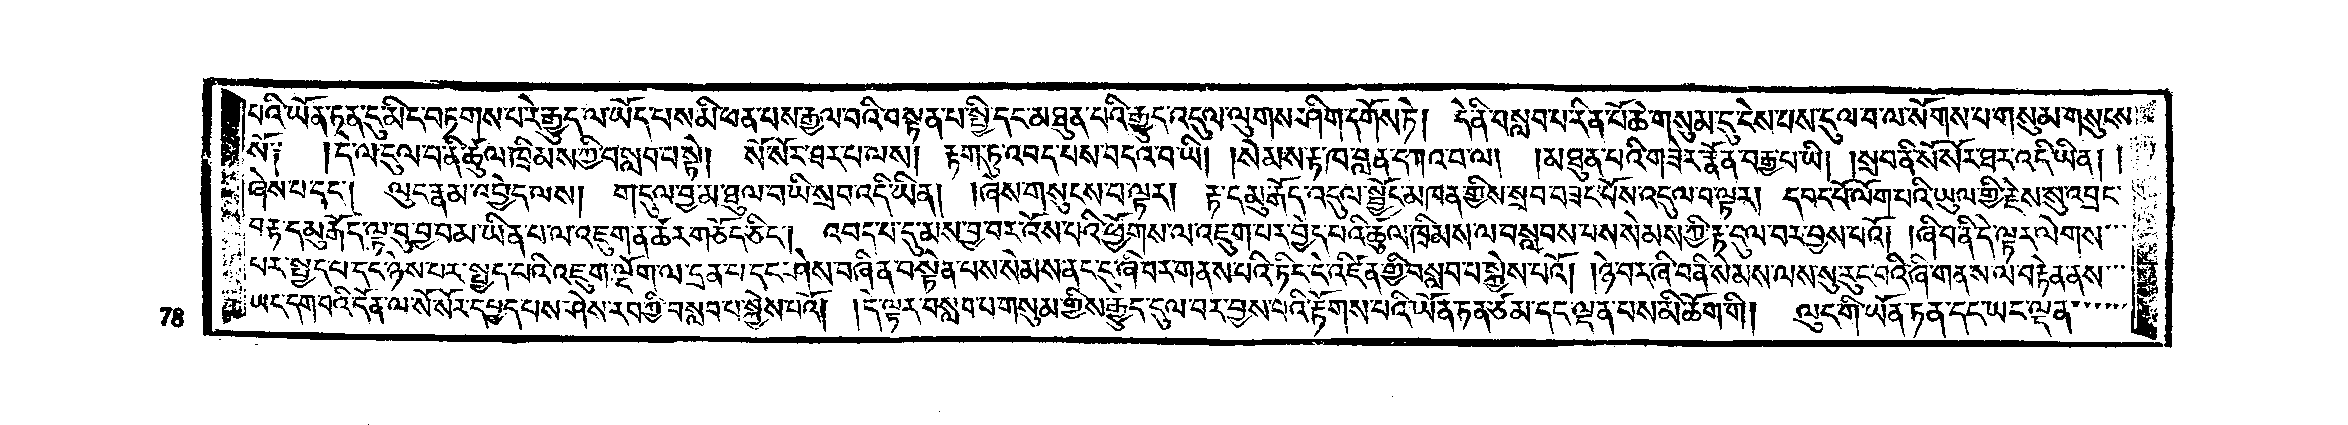པའི་ཡོན་ཏན་དུ་མིང་བཏགས་པ་རེ་རྒྱུད་ལ་ཡོད་པས་མི་ཕན་པས་རྒྱལ་བའི་བསྟན་པ་སྤྱི་དང་མཐུན་པའི་རྒྱུད་འདུལ་ལུགས་ཤིག་དགོས་ཏེ། དེ་ནི་བསླབ་པ་རིན་པོ་ཆེ་གསུམ་དུ་ངེས་པས་དུལ་བ་ལ་སོགས་པ་གསུམ་གསུངས་
སོ༑ ༑དེ་ལ་དུལ་བ་ནི་ཚུལ་ཁྲིམས་ཀྱི་བསླབ་པ་སྟེ། སོ་སོར་ཐར་པ་ལས། རྟག་ཏུ་འབད་པས་བདའ་བ་ཡི། །སེམས་རྟ་ཁ་བླན་དཀའ་བ་ལ། །མཐུན་པའི་གཟེར་རྣོན་བརྒྱ་པ་ཡི། །སྲབ་ནི་སོ་སོར་ཐར་འདི་ཡིན། །
ཞེས་པ་དང་། ལུང་རྣམ་འབྱེད་ལས། གདུལ་བྱ་མ་ཐུལ་པ་ཡི་སྲབ་འདི་ཡིན། །ཞེས་གསུངས་པ་ལྟར། རྟ་དམུ་རྒོད་འདུལ་སྦྱོང་མཁན་གྱིས་སྲབ་བཟང་པོས་འདུལ་བ་ལྟར། དབང་པོ་ལོག་པའི་ཡུལ་གྱི་རྗེས་སུ་འབྲང་
བ་རྟ་དམུ་རྒོད་ལྟ་བུ་བྱ་བ་མ་ཡིན་པ་ལ་འཇུག་ན་ཚར་གཅོད་ཅིང་། འབད་པ་དུ་མས་བྱ་བར་འོས་པའི་ཕྱོགས་ལ་འཇུག་པར་བྱེད་པའི་ཚུལ་ཁྲིམས་ལ་བསླབས་པས་སེམས་ཀྱི་རྟ་དུལ་བར་བྱས་པའོ། །ཞི་བ་ནི་དེ་ལྟར་ལེགས་
པར་སྤྱད་པ་དང་ཉེས་པར་སྤྱད་པའི་འཇུག་ལྡོག་ལ་དྲན་པ་དང་ཤེས་བཞིན་བསྟེན་པས་སེམས་ནང་དུ་ཞི་བར་གནས་པའི་ཏིང་ངེ་འཛིན་གྱི་བསླབ་པ་སྐྱེས་པའོ། །ཉེ་བར་ཞི་བ་ནི་སེམས་ལས་སུ་རུང་བའི་ཞི་གནས་ལ་བརྟེན་ནས་
ཡང་དག་པའི་དོན་ལ་སོ་སོར་དཔྱད་པས་ཤེས་རབ་ཀྱི་བསླབ་པ་སྐྱེས་པའོ། །དེ་ལྟར་བསླབ་པ་གསུམ་གྱིས་རྒྱུད་དུལ་བར་བྱས་པའི་རྟོགས་པའི་ཡོན་ཏན་ཙམ་དང་ལྡན་པས་མི་ཆོག་གི། ལུང་གི་ཡོན་ཏན་དང་ཡང་ལྡན་